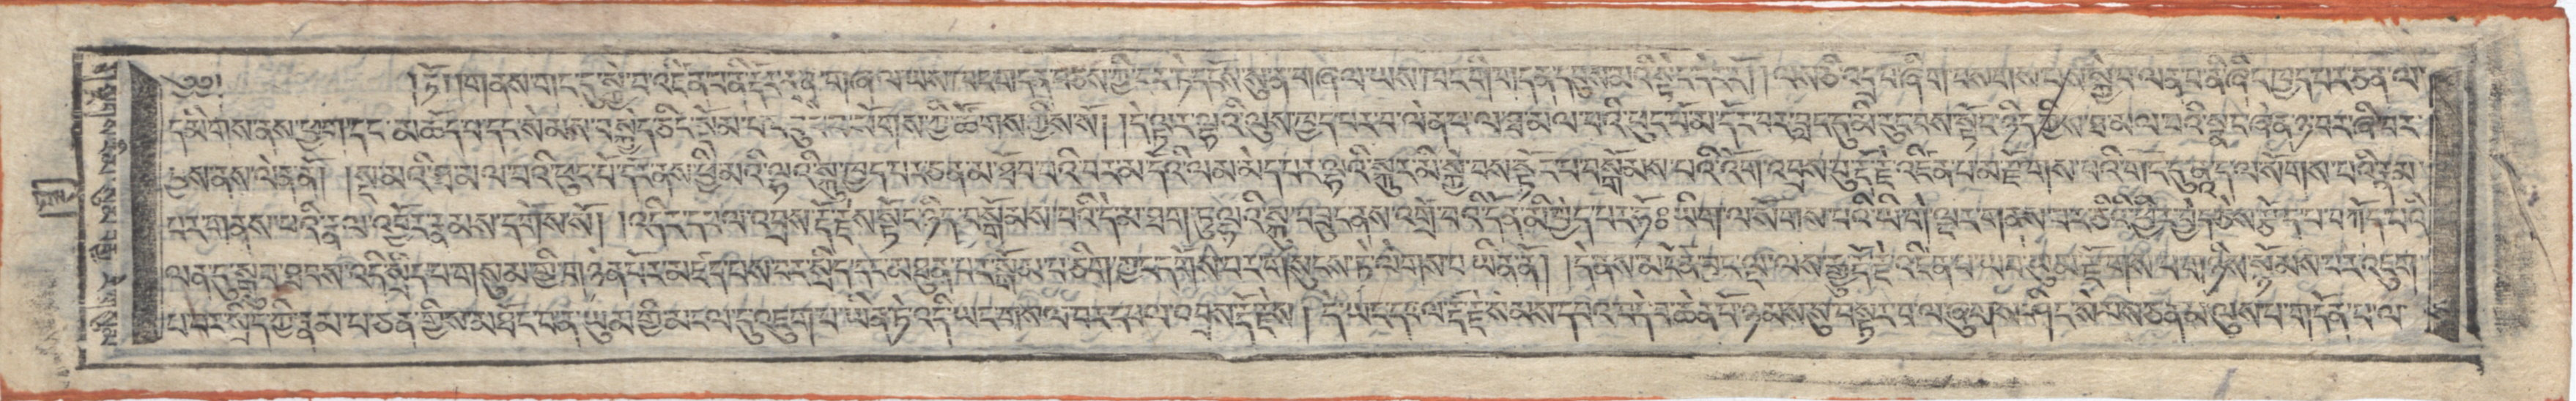༄༅། །ཏོ། །གནས་གང་དུ་སྐྱེ་བ་འཛིན་པ་ནི་རྡོར་རྭ་ནས་གཞལ་ཡས་ཁང་གདན་བཅས་ཀྱི་ངར་ཏེ་དངོས་སུ་ན་གཞལ་ཡས་ཁང་གི་གདན་དབུས་མའི་སྟེང་དེར་རོ། །ལས་ཅི་འདྲ་པ་ཞིག་བསགས་པས་སྐྱེ་བ་ལན་པ་ནི་ཞིང་ཁྱད་པར་ཅན་ལ་
དམིགས་ནས་ཕྱག་དང་མཆོད་པ་དང་སེམས་བསྐྱེད་ཅིང་སྡོམ་པ་བཟུང་བ་སོགས་ཀྱི་ཚོགས་ཀྱིས་སོ། །དེ་ལྟར་ལྷའི་ལུས་ཁྱད་པར་བ་ལེན་པ་ལ་ཐ་མལ་པའི་ཕུང་པོ་མ་དོར་བར་བླང་དུ་མི་རུང་བས་སྟོང་ཉིད་ཀྱིས་ཐ་མལ་བའི་སྣང་ཞེན་ཉེ་བར་ཞི་བར་
བྱས་ནས་ལེན་ནོ། །སྔ་མའི་ཐ་མལ་པའི་ཕུང་པོ་དོར་ནས་ཕྱི་མའི་ལྷའི་སྐུ་ཁྱད་པར་ཅན་མ་ཐོབ་པའི་བར་མདོའི་ལམ་མེད་པར་ལྷའི་སྐུར་མི་སྐྱེ་བས་སྟོང་པ་བསྒོམས་པའི་འོག་འབྲས་བུ་རྡོ་རྗེ་འཛིན་པ་མ་རྫོགས་པའི་གང་དུ་ནཱ་ད་ལ་སོགས་པའི་རྣམ་
པར་གནས་པའི་རྣལ་འབྱོར་རྣམས་དགོས་སོ། །འདིར་དཔལ་འབྲས་རྡོ་རྗེས་སྟོང་ཉིད་བསྒོམས་པའི་དེ་མ་ཐག་ཏུ་ལྷའི་སྐུ་བཟུང་ནས་འགྲོ་བའི་དོན་མི་བྱེད་པར་ཧོཿ ཡིག་ལ་སོགས་པའི་ཡི་གེ་ལྔར་གནས་པར་ཅིའི་ཕྱིར་བྱེད་ཅེས་རྩོད་པ་བཀོད་པའི་
ལན་དུ་སྒྲུབ་ཐབས་འདི་སྲིད་པ་གསུམ་གྱི་གཉེན་པོར་མཛད་པས་བར་སྲིད་དང་མཐུན་པར་སྒོམ་པ་ཅིག་ཀྱང་དགོས་པར་གསུངས་ཏེ་ལེགས་པ་ཡིན་ནོ། །དེ་ནས་མངོན་བྱང་ལྔ་ལས་རྒྱུ་རྡོ་རྗེ་འཛིན་པ་ཡབ་ཡུམ་རྫོགས་པ་གཉིས་སྙོམས་པར་འཇུག་
པ་བར་སྲིད་ཀྱི་རྣམ་པ་ཅན་གྱིས་མཐོང་བ་ན་ཡུམ་གྱི་མངལ་དུ་འཇུག་པ་ཡིན་ཏེ་འདི་ཡང་གསལ་བར་དཔལ་འབྲས་རྡོ་རྗེས། དེ་ཡང་དཔལ་རྡོ་རྗེ་སེམས་དཔའ་བདེ་བ་ཆེན་པོ་ཉམས་སུ་བསྟར་བ་ལ་ཞུགས་ཤིང་སེམས་ཅན་མ་ལུས་པ་གདོན་པ་ལ་